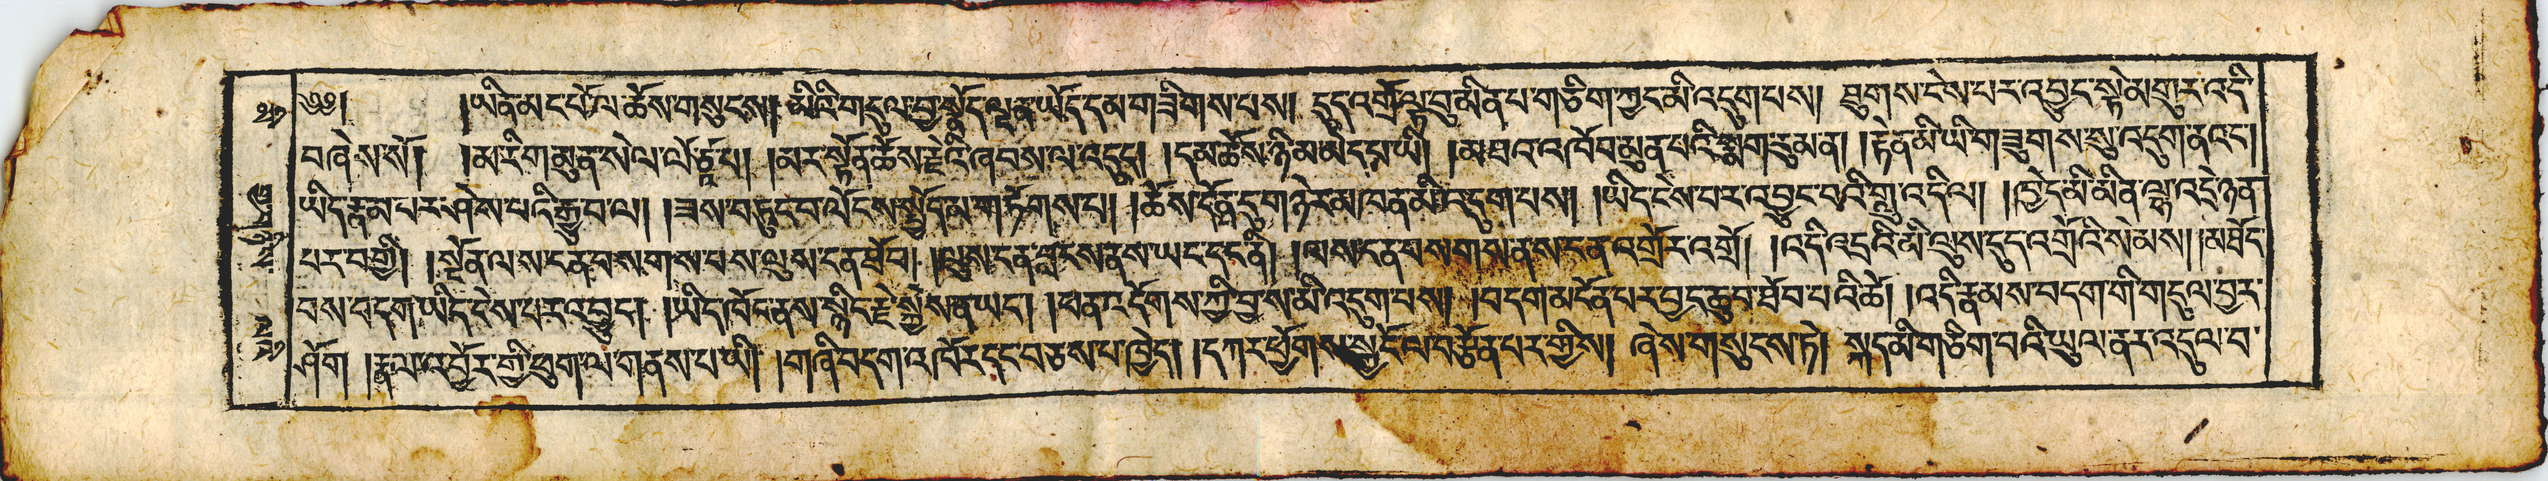ཡིན་མང་པོ་ལ་ཆོས་གསུངས། མིའི་གདུལ་བྱ་སྣོད་ལྡན་ཡོད་དམ་གཟིགས་པས། དུད་འགྲོ་ལྟ་བུ་མིན་པ་གཅིག་ཀྱང་མི་འདུག་པས། ཐུགས་ངེས་པར་འབྱུང་སྟེ་མགུར་འདི་
བཞེས་སོ། །མ་རིག་མུན་སེལ་ལོ་ཙཱ་བ། །མར་སྟོན་ཆོས་རྗེའི་ཞབས་ལ་འདུད། །དམ་ཆོས་ཉི་མ་མེད་པ་ཡི། །མཐའ་འཁོབ་མུན་པའི་སྨག་རུམ་ན། །རྟེན་མི་ཡི་གཟུགས་སུ་འདུག་ནའང་། །
ཡིད་རྣམ་པར་ཤེས་པའི་རྒྱུ་བ་ལ། །ཟས་བཏུང་བ་ལོངས་སྤྱོད་མ་གཏོགས་པ། །ཆོས་དོན་དུ་གཉེར་མཁན་མི་བདུག་པས། །ཡིད་ངེས་པར་འབྱུང་བའི་གླུ་འདི་ལ། །ཁྱེད་མི་མིན་ལྷ་འདྲེ་ཉན་
པར་བགྱི། །སྔོན་ལས་ངན་བསགས་པས་ལུས་ངན་ཐོབ། ། ལུས་ངན་བླངས་ནས་ཡང་དང་ནི། །ལས་ངན་པ་བསགས་ནས་ངན་འགྲོར་འགྲོ། །འདི་འདྲའི་མི་ལུས་དུད་འགྲོའི་སེམས། །མཐོང་
བས་བདག་ཡིད་ངེས་པར་འབྱུང། །ཡིད་ཁོང་ནས་སྙིང་རྗེ་སྐྱེས་ན་ཡང་། །ཕན་འདོགས་ཀྱི་བྱ་ས་མི་འདུག་པས། །བདག་མངོན་པར་བྱང་ཆུབ་ཐོབ་པའི་ཚེ། །འདི་རྣམས་བདག་གི་གདུལ་བྱར་
ཤོག །རྣལ་འབྱོར་གྱི་ཕུག་ལ་གནས་པ་ཡི། །གཞི་བདག་འཁོར་དང་བཅས་པ་ཁྱེད། །དཀར་ཕྱོགས་སྐྱོང་ལ་བརྩོན་པར་གྱིས། ཞེས་གསུངས་ཏེ། སྐད་མི་གཅིག་བའི་ཡུལ་ནར་འདུལ་བ་